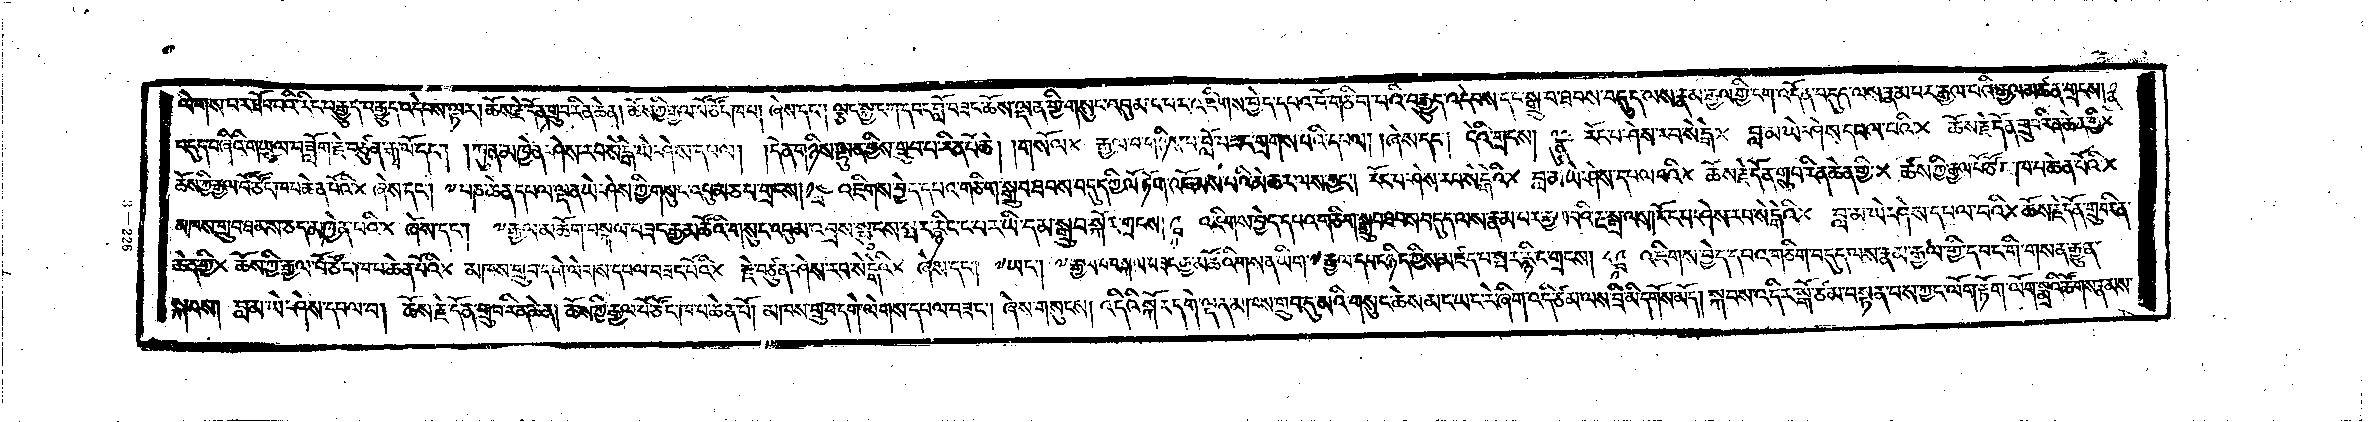ལེགས་པར་ཐོབ་པའི་རིང་བརྒྱུད་བརྒྱུད་འདེབས་ལྟར། ཆོས་རྗེ་དོན་གྲུབ་རིན་ཆེན། ཆོས་ཀྱི་རྒྱལ་པོ་ཙོང་ཁ་པ། ཞེས་དང་། ལྕང་སྐྱ་ངག་དབང་བློ་བཟང་ཆོས་ལྡན་གྱི་གསུང་འབུམ་པ་པར་འཇིགས་བྱེད་དཔའ་བོ་གཅིག་པའི་བརྒྱུད་འདེབས་དང་སྒྲུབ་ཐབས་བདུད་ལས་རྣམ་རྒྱལ་གྱི་ངག་འདོན་བདུད་ལས་རྣམ་པར་རྒྱལ་བའི་རྒྱལ་མཚན་གྲངས། ༡ན༤
བདུད་བཞིའི་གཡུལ་བཟློག་རྗེ་བཙུན་རྒྭ་ལོ་དང་། །ཀུན་མཁྱེན་ཤེས་རབ་སེངྒེ་ཡེ་ཤེས་དཔལ། །དོན་གཉིས་ལྷུན་གྱིས་གྲུབ་པ་རིན་པོ་ཆེ། །གསོལ་྾་རྒྱལ་པ་གཉིས་པ་བློ་བཟང་གྲགས་པའི་དཔལ། །ཞེས་དང་། དེའི་གྲངས། ༡༢ན༦་རོང་བ་ཤེས་རབ་སེངྒེ་྾་བླ་མ་ཡེ་ཤེས་དཔལ་པའི་྾་ཆོས་རྗེ་དོན་གྲུབ་རིན་ཆེན་གྱི་྾་
ཆོས་ཀྱི་རྒྱལ་པོ་ཙོང་ཁ་པ་ཆེན་པོའི་྾་ཞེས་དང་། ༧པཎ་ཆེན་དཔལ་ལྡན་ཡེ་ཤེས་ཀྱི་གསུང་འབུམ་ཅ་པ་གྲངས། ༡༤བ་འཇིགས་བྱེད་དཔའ་གཅིག་སྒྲུབ་ཐབས་བདུད་ཀྱི་ལོ་ཏོག་འཇོམས་པའི་མེ་ཆར་ལས་ཀྱང་། རོང་བ་ཤེས་རབ་སེངྒེའི་྾་བླ་མ་ཡེ་ཤེས་དཔལ་བའི་྾་ཆོས་རྗེ་དོན་གྲུབ་རིན་ཆེན་གྱི་྾་ཆོས་ཀྱི་རྒྱལ་པོ་ཙོང་ཁ་པ་ཆེན་པོའི་྾་
མཁས་གྲུབ་ཐམས་ཅད་མཁྱེན་པའི་྾་ཞོས་དང་། ༧རྒྱལ་མཆོག་བསྐལ་བཟང་རྒྱ་མཚོའི་གསུང་འབུམ་འབྲས་སྤུངས་པར་རྙིང་པ་པར་ཡི་དམ་སྒྲུབ་སྐོར་གྲངས། ༩བ༡་འཇིགས་བྱེད་དཔའ་གཅིག་སྒྲུབ་ཐབས་བདུད་ལས་རྣམ་པར་རྒྱལ་བའི་རྔ་སྒྲ་ལས། རོང་པ་ཤེས་རབ་སེངྒེའི་྾་བླ་མ་ཡེ་ཤེས་དཔལ་བའི་྾་ཆོས་རྗེ་དོན་གྲུབ་རིན་
ཆེན་གྱི་྾་ཆོས་ཀྱི་རྒྱལ་པོ་ཙོང་ཁ་པ་ཆེན་པོའི་྾་མཁས་གྲུབ་དགེ་ལེགས་དཔལ་བཟང་པོའི་྾་རྗེ་བཙུན་ཤེས་རབ་སེངྒེའི་྾་ཞེས་དང་། ༧ཡང་། ༧རྒྱལ་བ་བསྐལ་བཟང་རྒྱ་མཚོའི་གསན་ཡིག ༧རྒྱལ་དབང་ཉིད་ཀྱིས་མཛད་པ་སྤར་རྙིང་གྲངས། ༨༩བ༡་འཇིགས་བྱེད་དཔའ་གཅིག་བདུད་ལས་རྣམ་རྒྱལ་གྱི་དབང་གི་གསན་རྒྱུན་
སྐབས། བླ་མ་ཡེ་ཤེས་དཔལ་བ། ཆོས་རྗེ་དོན་གྲུབ་རིན་ཆེན། ཆོས་ཀྱི་རྒྱལ་པོ་ཙོང་ཁ་པ་ཆེན་པོ། མཁས་གྲུབ་དགེ་ལེགས་དཔལ་བཟང་། ཞེས་གསུངས། འདིའི་སྐོར་དགེ་ལྡན་མཁས་གྲུབ་དུ་མའི་གསུང་ཆེས་མང་ཡང་རེ་ཞིག་འདི་ཙམ་ལས་བྲི་མི་དགོས་མོད། སྐབས་འདིར་སྒོ་ཙམ་བསྟན་པས་ཀྱང་ལོག་རྟོག་ལོག་སྨྲའི་ཚོགས་རྣམས